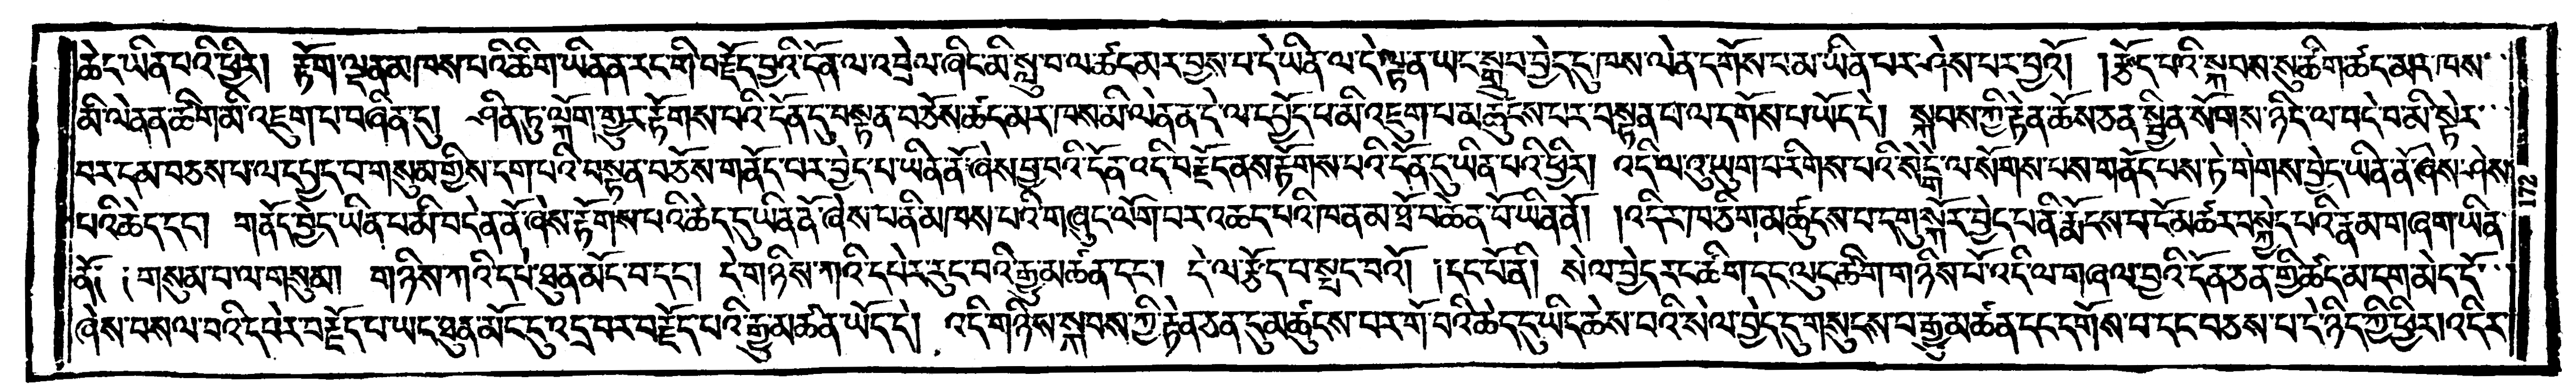ཆེད་ཡིན་པའི་ཕྱིར། རྟོག་ལྡན་མཁས་པའི་ཚིག་ཡིན་ན་རང་གི་བརྗོད་བྱའི་དོན་ལ་འབྲེལ་ཞིང་མི་སླུ་བ་ལ་ཚད་མར་བྱས་པ་དེ་ཡིན་ལ་དེ་ལྟ་ན་ཡང་སྒྲུབ་བྱེད་དུ་ཁས་ལེན་དགོས་པ་མ་ཡིན་པར་ཤེས་པར་བྱའོ། །རྩོད་པའི་སྐབས་སུ་ཚིག་ཚད་མར་ཁས་
མི་ལེན་ན་ཚིག་མི་འཇུག་པ་བཞིན་དུ། ཤིན་ཏུ་ལྐོག་གྱུར་རྟོགས་པའི་དོན་དུ་བསྟན་བཅོས་ཚད་མར་ཁས་མི་ལེན་ན་དེ་ལ་དཔྱོད་པ་མི་འཇུག་པ་མཚུངས་པར་བསྟན་པ་ལ་དགོས་པ་ཡོད་དེ། སྐབས་ཀྱི་རྟེན་ཆོས་ཅན་སྦྱིན་སོགས་ཉིད་ལ་བདེ་བ་མི་སྟེར་
བར་དམ་བཅས་པ་ལ་དཔྱད་པ་གསུམ་གྱིས་དག་པའི་བསྟན་བཅོས་གནོད་པར་བྱེད་པ་ཡིན་ནོ་ཞེས་བྱ་བའི་དོན་འདི་བརྗོད་ནས་རྟོགས་པའི་དོན་དུ་ཡིན་པའི་ཕྱིར། འདི་ལའུ་ཡུག་པ་རིགས་པའི་སེངྒེ་ལ་སོགས་པས་གནོད་པས་ཏེ་གེགས་བྱེད་ཡིན་ནོ་ཞེས་ཤེས་
པའི་ཆེད་དང་། གནོད་བྱེད་ཡིན་པ་མི་བདེན་ནོ་ཞེས་རྟོགས་པའི་ཆེད་དུ་ཡིན་ནོ་ཞེས་པ་ནི་མཁས་པའི་གཞུང་ལོག་བར་འཆད་པའི་ཁ་ན་མ་ཐོ་བ་ཆེན་པོ་ཡིན་ནོ། །འདིར་ཁ་ཅིག་མཚུངས་པ་དགུ་སྐོར་བྱེད་བ་ནི་རྨོངས་པ་ངོ་མཚར་བསྐྱེད་པའི་རྣམ་གཞག་ཡིན་
ནོ༑ ༑གསུམ་པ་ལ་གསུམ། གཉིས་ཀའི་དཔེ་ཐུན་མོང་བ་དང་། དེ་གཉིས་ཀའི་དཔེར་རུང་བའི་རྒྱུ་མཚན་དང་། དེ་ལ་རྩོད་པ་སྤང་བའོ། །དང་པོ་ནི། སེལ་བྱེད་རང་ཚིག་དང་ལུང་ཚིག་གཉིས་པོ་འདི་ལ་གཞལ་བྱའི་དོན་ཅན་གྱི་ཚད་མ་དག་མེད་དོ་
ཞེས་བསལ་བའི་དཔེར་བརྗོད་པ་ཡང་ཐུན་མོང་དུ་འདྲ་བར་བརྗོད་པའི་རྒྱུ་མཚན་ཡོད་དེ། འདི་གཉིས་སྐབས་ཀྱི་རྟེན་ཅན་དུ་མཚུངས་པར་གོ་བའི་ཆེད་དུ་ཡིད་ཆེས་བའི་སེལ་བྱེད་དུ་གསུངས་བ་རྒྱུ་མཚན་དང་དགོས་པ་དང་བཅས་པ་དེ་ཉིད་ཀྱི་ཕྱིར། འདིར་